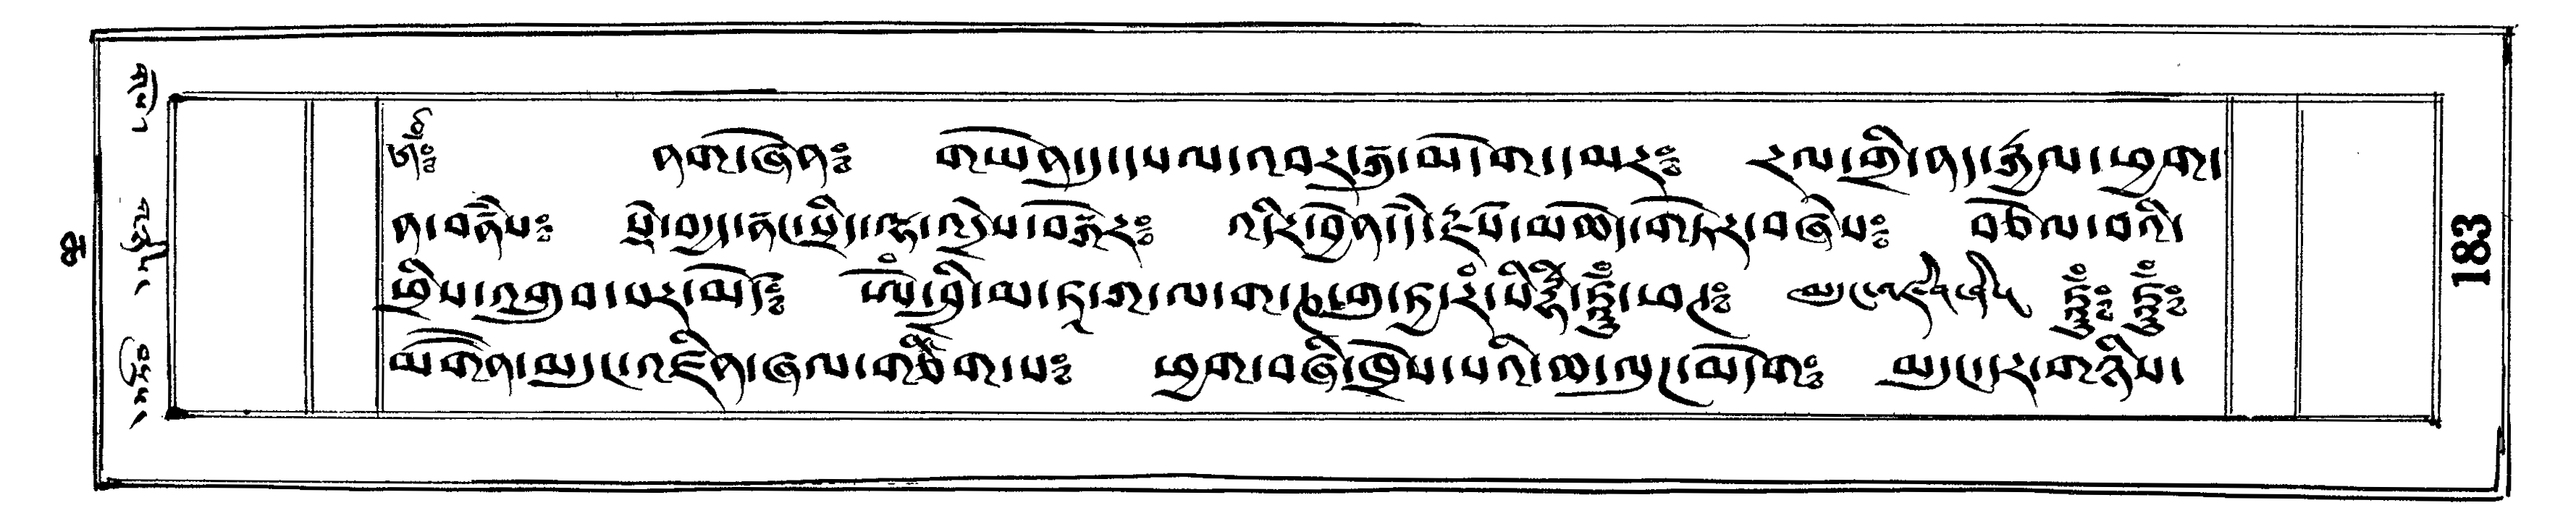ནག་ཞོན༔ གཡོན་དུ་དཔལ་འབར་སྐུ་མདོག་དམར༔ རལ་གྲི་ནད་རྐྱལ་ཕྱག་
ན་བསྣམས༔ སྡེ་བརྒྱད་སྣང་སྲིད་ལྷ་འདྲེས་བསྐོར༔ འདིར་བྱོན་དམ་རྫས་མཆོད་གཏོར་བཞེས༔ བཅོལ་བའི་
ཕྲིན་ལས་འགྲུབ་པར་མཛོད༔ ཨོཾ་ཤྲི་མ་ཧཱ་ཀ་ལ་ག་ཎ་གུ་ཧྱ་རཾ་སིདྡྷི་ཧཱུྃ་ཕཊ༔ མདུང་འཛིན་ནི། ཧཱུྃ༔ 
མགོན་པོ་མདུང་འཛིན་ཞལ་གཅིག་པ༔ ཕྱག་བཞི་ཁྲོས་པའི་ཆ་ལུགས་མདོག༔ མདུང་དར་གཉིས་